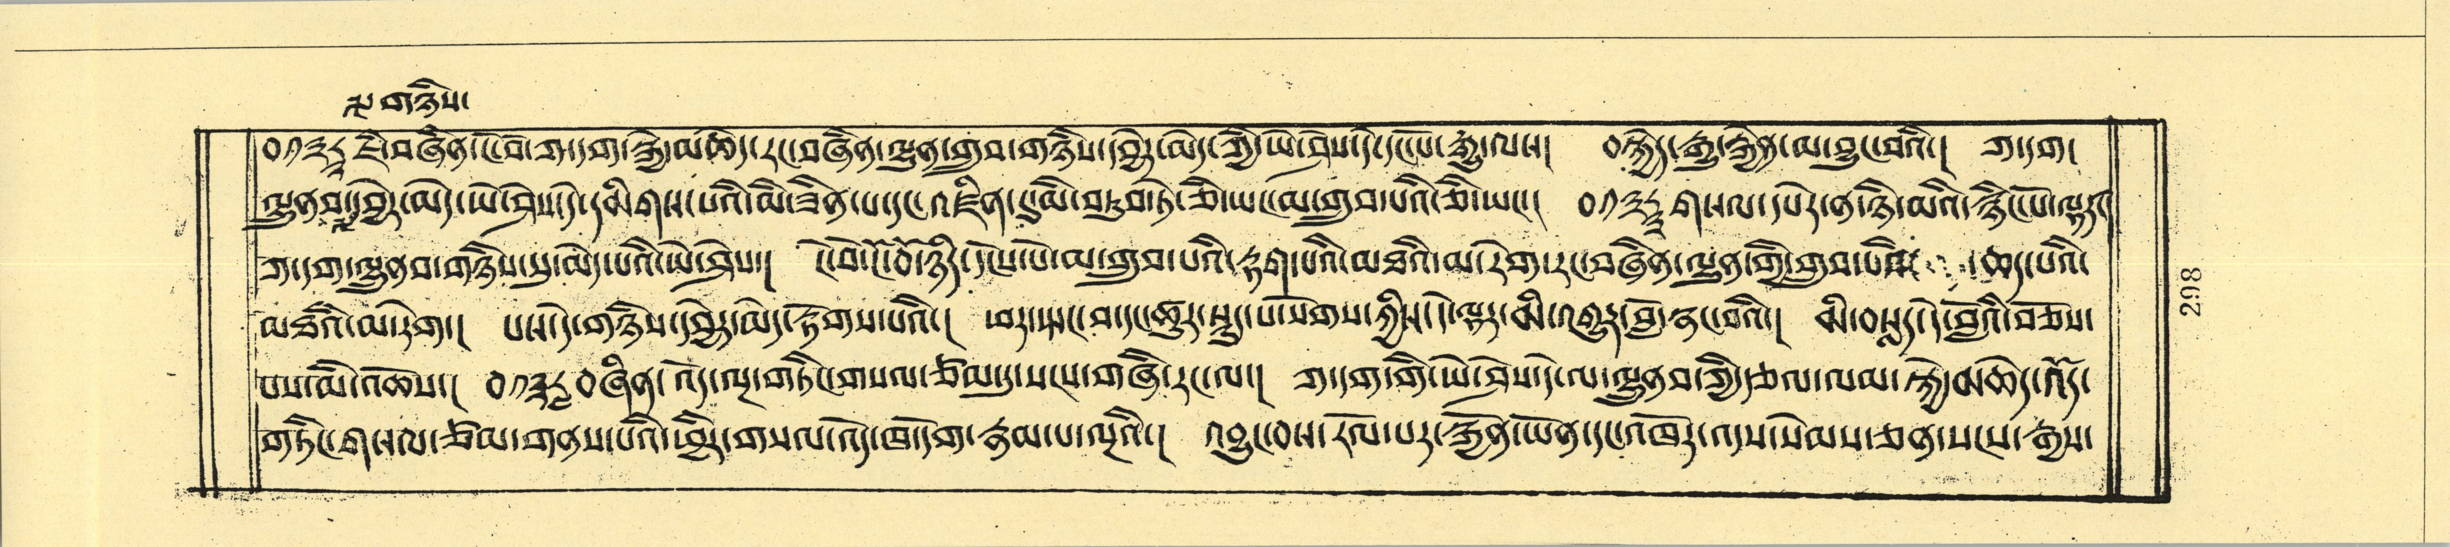བ༡༣༨།༢ ཇི་བཞིན་ངོ་བོ་ཀ་དག་སྐྱེ་མཆེད་རང་བཞིན་ལྷུན་གྲུབ་གཉིས་དབྱེར་མེད་ཀྱི་ཡེ་ཤེས་དེ་དང་པོ་ ༼རྒྱུ་ལས།༽ ༼བསྐྱེད་༽རྒྱུ་རྐྱེན་མ་བྱུང་བའི། ཀ་དག་
ལྷུན་གྲུབ་གཉིས་དབྱེར་མེད་ཡེ་ཤེས་དེ་ ༼དམིགས་༽པའི་མི་ཟིན་པ་དང་ ༼འཛིན་༽དུ་མི་བཏུབ་ཏེ་ཅི་ཡང་མ་གྲུབ་པའི་ཅི་ཡང། བ༡༣༨།༣ ༼གསལ་༽དཔེར་ན་ཉི་མའི་སྙིང་པོ་ལྟར་
ཀ་དག་ལྷུན་གྲུབ་གཉིས་སུ་མེད་པའི་ཡེ་ཤེས། ངོ་བོ་ ༼ངོ་བོ་ཉིད་༽དངོས་པོ་མ་གྲུབ་པའི་ ༼རྟག་༽པའི་མཐའི་མ་རེག་རང་བཞིན་ལྷུན་གྱི་གྲུབ་པའི། ཆད་པའི་
མཐའ་མ་རེག ༼པས་༽དེ་གཉིས་དབྱེར་མེད་རྟོགས་པའི། ཕར་ ༼སྤང་༽བ་དང་ ༼ཚུར་སྡུད་༽པ་སོགས་ ༼ཀྱིས་༽དེ་ལྟར་ ༼མི་འགྱུར་༽བློ་སྣང་བའི། ༼མི་བསླད་༽དེ་བློའི་བཅོས་
པས་མི་འཆོས། བ༡༣༨།༤ ༼བཞིན་༽འོད་ལྔ་གཏིང་གསལ་ཙམ་དུ་སངས་གཞི་རང་ལ། ཀ་དག་གི་ཡེ་ཤེས་དེ་ལ་ལྷུན་གྲུབ་ཀྱི་རྩལ་ལམ་ ༼སྐྱེ་མཆེད་འོད་༽
གཏིང་ ༼གསལ་༽ཙམ་གནས་པའི་ཕྱིར་གསལ་འོད་ཁ་དོག་རྣམ་པ་ལྔའི། ༼འབྱུང་བས་༽རོལ་པར་སྐྱོན་ཡོན་དང་འཁོར་འདས་སེམས་ཅན་སངས་རྒྱས་